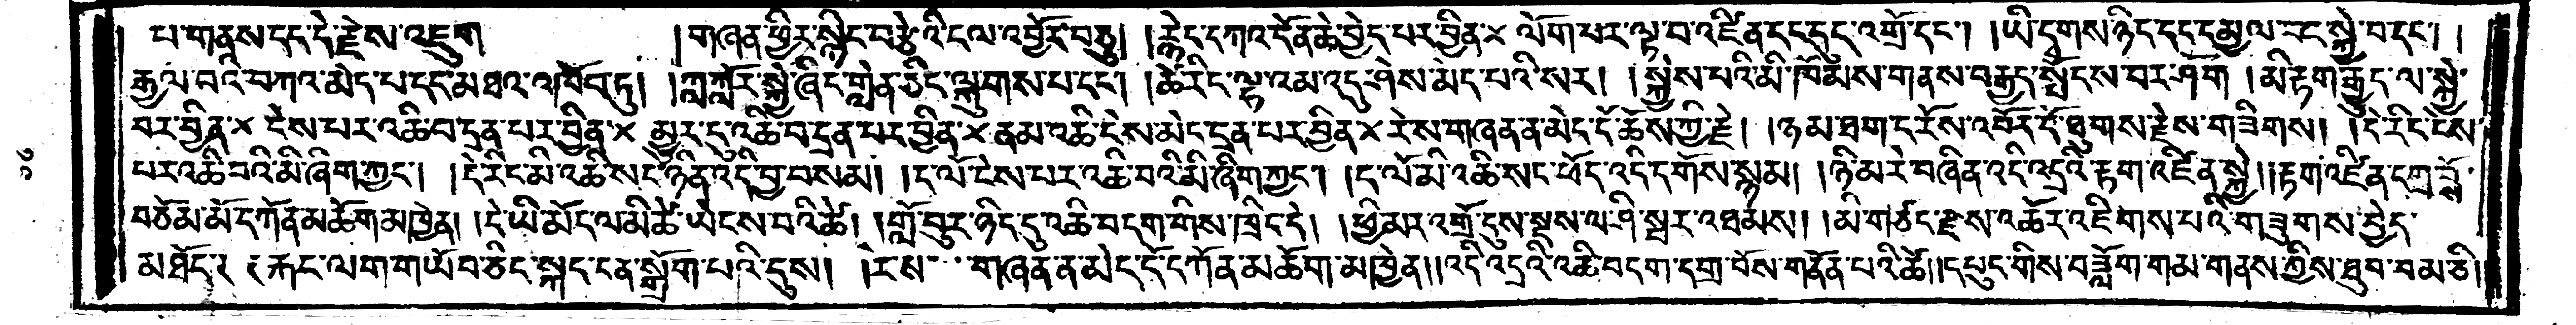པ་གནས་དང་དེ་རྗེས་འཇུག །གཞན་ཕྱིར་སྙིང་བརྩེའི་དལ་འབྱོར་བཅུ། །རྙེད་དཀའ་དོན་ཆེ་བྱེད་པར་བྱིན་྾་ལོག་པར་ལྟ་བ་འཛིན་དང་དུད་འགྲོ་དང་། །ཡི་དྭགས་ཉིད་དང་དམྱལ་རང་སྐྱེ་བ་དང་། །
རྒྱལ་བའི་བཀའ་མེད་པ་དང་མཐའ་འཁོབ་ཏུ། །ཀླ་ཀློར་སྐྱེ་ཞིང་གླེན་ཅིང་ལྐུགས་པ་དང་། །ཚེ་རིང་ལྷ་འམ་འདུ་ཤེས་མེད་པའི་སར། །སྐྱེས་པའི་མི་ཁོམས་གནས་བརྒྱད་སྤོངས་བར་ཤོག །མི་རྟག་རྒྱུད་ལ་སྐྱེ་
བར་བྱིན་྾་དེས་པར་འཆི་བ་དྲན་པར་བྱིན་྾་མྱུར་དུ་འཆི་བ་དྲན་པར་བྱིན་྾་ནམ་འཆི་ངེས་མེད་དྲན་པར་བྱིན་྾་རེ་ས་གཞན་ན་མེད་དོ་ཆོས་ཀྱི་རྗེ། །ཉམ་ཐག་ང་རོས་འབོར་དོ་ཐུགས་རྗེས་གཟིགས། །དེ་རིང་ངེས་
པར་འཆི་བའི་མི་ཞིག་ཀྱང་། །དེ་རིང་མི་འཆི་སང་ཉིན་འདི་བྱ་བསམ། །ད་ལོ་ངེས་པར་འཆི་བའི་མི་ཞིག་ཀྱང་། །ད་ལོ་མི་འཆི་སང་ཕོད་འདི་དགོས་སྙམ། །ཉི་མ་རེ་བཞིན་འདི་འདྲའི་རྟག་འཛིན་སྐྱེ། །རྟག་འཛིན་དགྲ་བློས་
བཅོམ་མོ་དཀོན་མཆོག་མཁྱེན། །དེ་ཡི་མོད་ལ་མི་ཚེ་ཡེངས་བའི་ཚེ། །གློ་བུར་ཉིད་དུ་འཆི་བདག་གིས་ཁྲིད་དེ། །ཕྱི་མར་འགྲོ་དུས་སྡས་ལ་ཤི་སྦར་འཐམས། །མི་གཙང་རྫས་འཆོར་འཇིགས་པའི་གཟུགས་བྱེད་
མཐོང༑ ༑རྐང་ལག་གཡོབ་ཅིང་སྐད་ངན་སྒྲོགས་པའི་དུས། །རེས་གཞན་ན་མེད་དོ་དཀོན་མཆོག་མཁྱེན། །འདི་འདྲའི་འཆི་བདག་དགྲ་བོས་གནོན་པའི་ཚེ། །དཔུང་གིས་བཟློག་གམ་གནས་ཀྱིས་ཐུབ་བམ་ཅི།